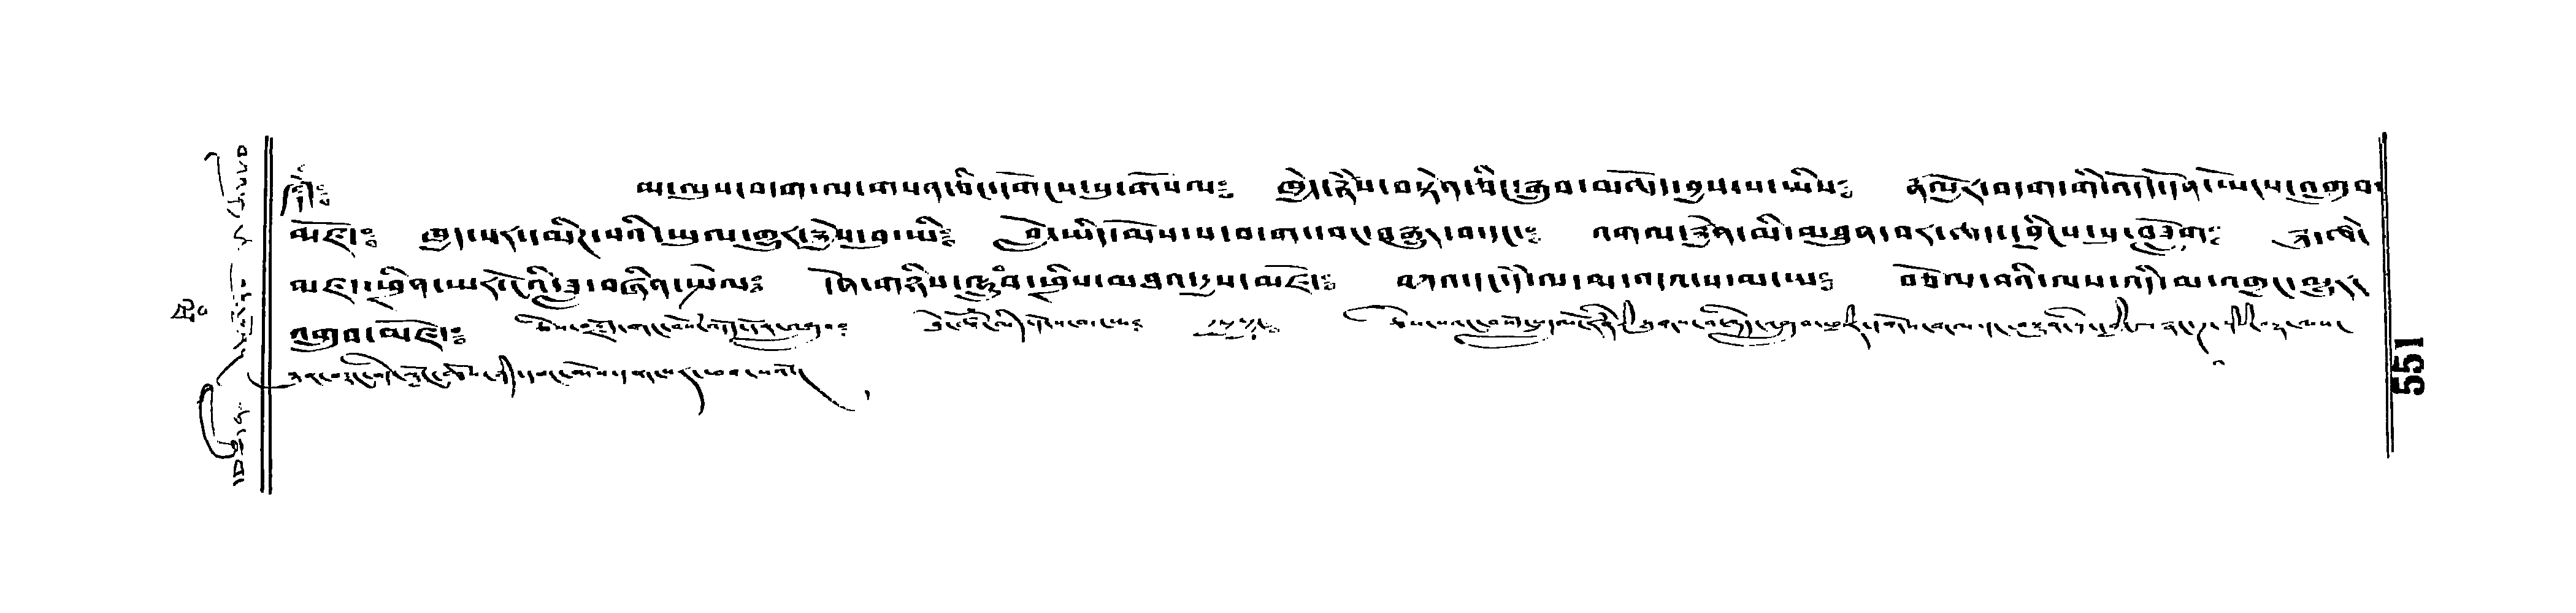མ་ལུས་བདག་ལ་གསན་ཅིང་དགོངས་སུ་གསོལ༔ ཁྱེད་རྣམས་བསྟེན་ཅིང་སྒྲུབ་མཆོད་བྱས་པ་ཡིས༔རྣལ་འབྱོར་བདག་གི་འདོད་དོན་ཡོངས་འགྲུབ་
མཛོད༔ ཁྱད་པར་དམིགས་པའི་ཡུལ་གྱུར་སྐྱེས་བུ་ཡི༔ བློ་ཡིད་མོས་པ་བདག་དབང་བསྒྱུར་བ་དང༔ འགལ་རྐྱེན་མི་མཐུན་བར་ཆད་དབྱིངས་སུ་བཟློག༔ སྐུ་ཚེ་
མཛད་ཕྲིན་ཡར་ངོའི་ཟླ་བཞིན་སྤེལ༔ དོན་གཉིས་ལྷུན་གྲུབ་ཕྲིན་ལས་མཐའ་རྒྱས་མཛོད༔ བཀའ་དང་དམ་ལ་མ་འདའ་ས་མ་ཡ༔ བཅོལ་བའི་ལས་འདི་མ་འགྱང་མྱུར་
འགྲུབ་མཛོད༔ ཅེས་བརྗོད་གང་བསམ་འདོད་དོན་འགྲུབ༔ ཐེ་ཚོམ་མེད་དོ་ས་མ་ཡ༔ རྒྱ་རྒྱ་རྒྱ༔ ཞེས་པའང་བསོད་སྤྲུལ་རིན་པོ་ཆེའི་ཐུགས་བཞེད་འགྲུབ་ཕྱིར་དགོས་གལ་དང་བསྟུན་ཏེ་དབྱིངས་སྣང་ཌཱ་ཀིའི་བརྡ་ལས་
ཀུན་བཟང་བདེ་སྐྱོང་ཆོས་ཉིད་དབང་མོས་དག་པར་ཕབ་པའོ།།